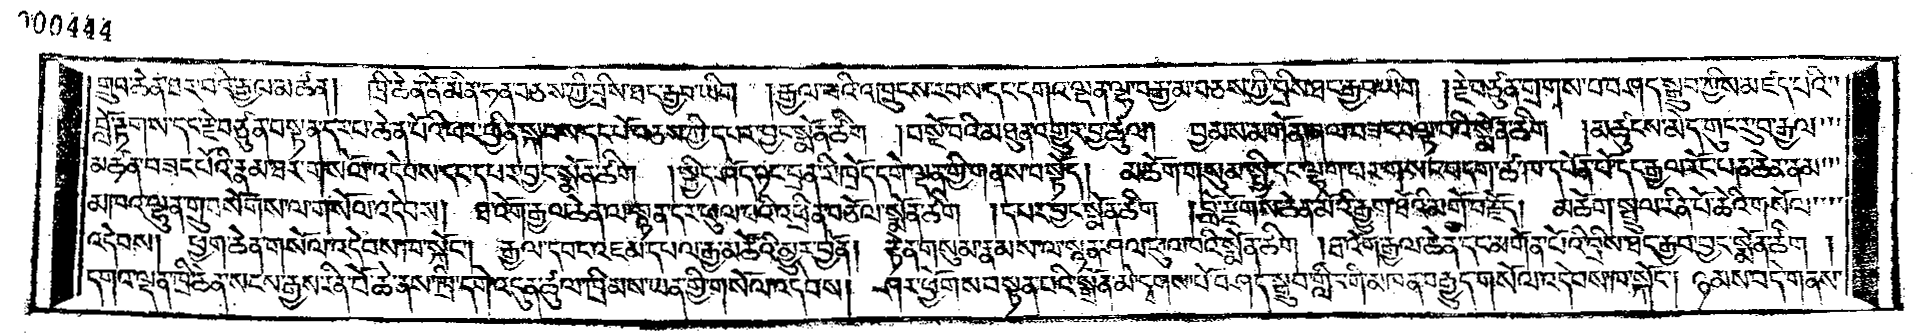གྲུབ་ཆེན་ཐར་བའི་རྒྱལ་མཚན། ཁྲི་ཆེན་ནོ་མིན་ལྷན་བཅས་ཀྱི་བྲིས་ཐང་རྒྱབ་ཡིག །རྒྱལ་བའི་འཁྲུངས་རབས་དང་དགའ་ལྡན་ལྷ་བརྒྱ། བཅས་ཀྱི་བྲིས་ཐང་རྒྱབ་ཡིག །རྗེ་བཙུན་གྲགས་པ་བཤད་སྒྲུབ་ཀྱི་མཛད་པའི་
བློ་རྟགས་དང་རྗེ་བཙུན་བསྟན་དར་པ་ཆེན་པའི་ཕར་ཕྱིན་སྐབས་དང་པོ་བཅས་ཀྱི་དཔར་བྱང་སྨོན་ཚིག། བསྔོ་བའི་ཐུན་འགྱུར་བ་ཚུལ། བྱམས་མགོན་ཞལ་བཟང་བལྟ་བའི་སྨོན་ཚིག །མཚུངས་མེད་གུང་རུ་བ་རྒྱལ་
མཚན་བཟང་པོའི་རྣམ་ཐར་གསོལ་འདེབས་དང་དཔར་བྱང་སྨོན་ཚིག །སྐྱིད་ཤོད་ཉང་རང་རི་ཁྲོད་དགེ་ལྡན་གྱི་གནས་པ་སྟོད། མཆོག་གསུམ་སྤྱི་དང་ལྷག་པ་གསང་བདག་ཚ་ཁ་དཔོན་པོ་དང་རྒྱལ་རོང་པཎ་ཆེན་ནམ་
མཁའ་ལྷུན་གྲུབ་སོགས་ལ་གསོལ་འདེབས། ཐ་འོག་རྒྱལ་ཆེན་ལ་སྙན་དར་ཕུལ་བའི་འཕྲིན་བཅོལ་སྨོན་ཚིག། དཔར་བྱང་སྨོན་ཚིག །བློ་རྫོགས་ཆེན་མོའི་རྒྱུག་ཐོའི་མགོ་བརྗོད། མཆོག་སྤྲུལ་རིན་པོ་ཆེའི་གསོལ་
འདེབས། ཕྱག་ཆེན་གསོལ་འདེབས་ཁ་སྐོང་། རྒྱལ་དབང་འཇམ་དཔལ་རྒྱ་མཚོའི་མྱུར་བྱོན། རྟེན་གསུམ་རྣམས་ལ་སྙན་ཤལ་ཕུལ་བའི་སྨོན་ཚིག །ཐ་འོག་རྒྱལ་ཆེན་དང་མགོན་པོའི་བྲིས་ཐང་རྒྱབ་བྱང་སྨོན་ཚིག །
དགའ་ལྡན་ཁྲི་ཆེན་སངས་རྒྱས་རིན་པོ་ཆེ་ནས་ཁྲི་དགེ་འདུན་ཚུལ་ཁྲིམས་ཡན་གྱི་གསལ་འདེབས། ཤར་ཕྱོགས་བསྟན་པའི་སྒྲོན་མེ་དྭགས་པོ་བཤད་སྒྲུབ་གླིང་གི་མཁན་བརྒྱུད་གསོལ་འདེབས་ཁ་སྐོང་། ཉམས་བདེ་གནས་